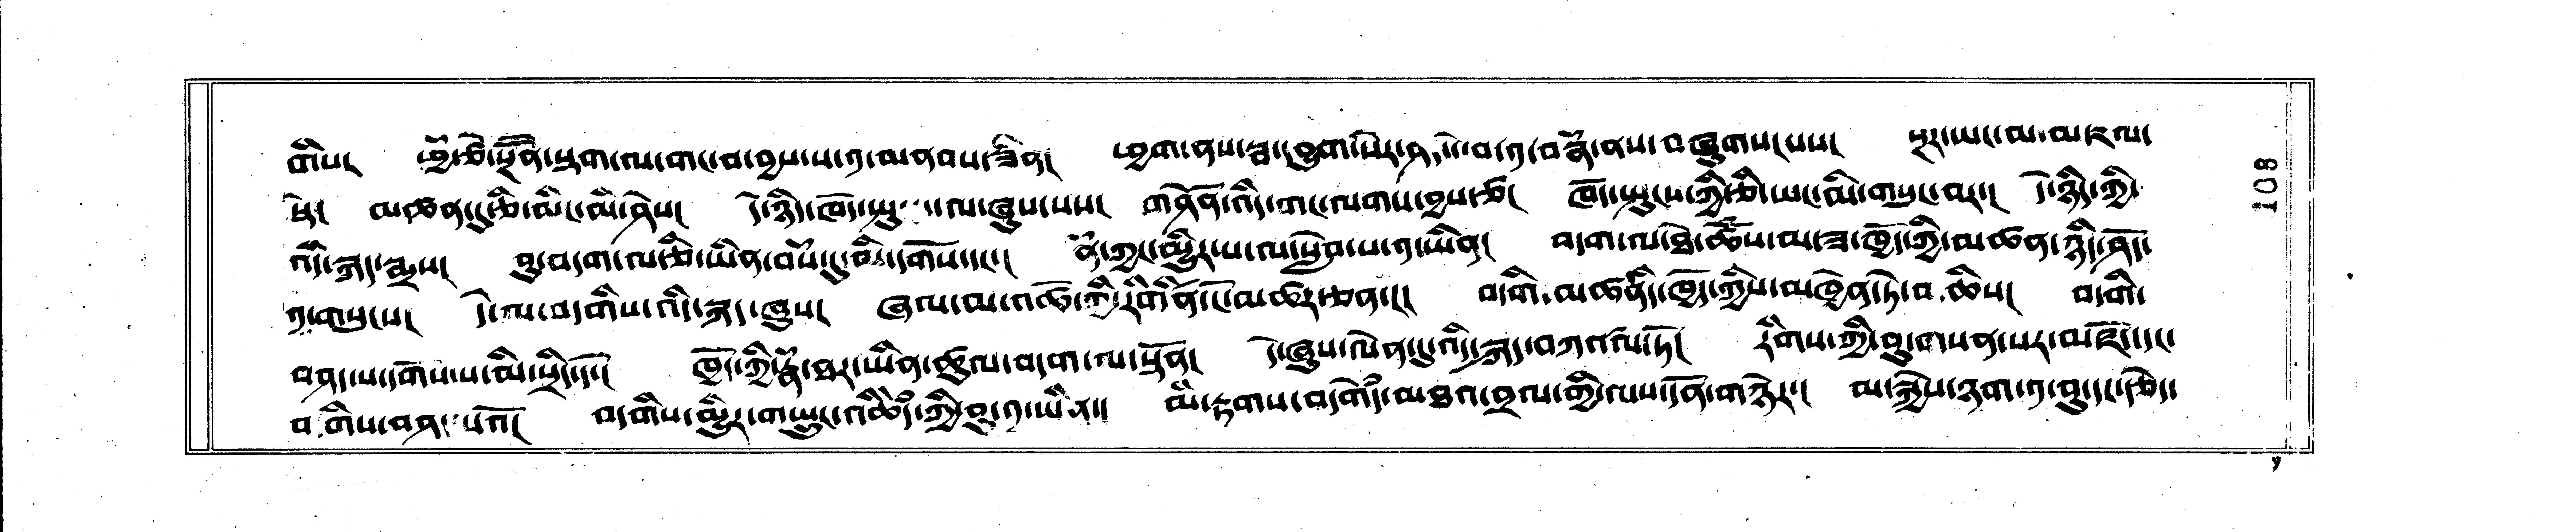གིས། ཕྱམ་ཙེ་སྔོན་པོ་སྟག་ལ་གང་བ་བྱས་པ་གཅིག་མནབས་ཟིན། ཕྱག་ནས་སྦ་དབྱུག་སེར་ཤ་དེ་བ་གཅིག་བསྣམས་ནས་བཞུགས་པས། སྔར་ཡང་མ་མཇལ་
སྟེ། མཚན་དུ་ཅི་མིང་མི་ཤེས། དེ་ཉིད་ཁོད་སྤུངས་ལ་ཞུས་པས། གཤེན་པོ་འདི་གང་ལགས་བྱས་ཙ། ཁོད་སྤུངས་ཀྱིས་ཅི་ཡང་མི་གསུངས་པར། དེ་ཉིད་ཀྱི་
འདི་སྐད་སྨྲས། བུ་བདག་ལ་ཅི་ཡིན་བསམ་དུ་མི་དགོས་དང་། ནམ་ཀྱང་མི་འགྱུར་པ་ལ་སླེབས་པ་གཅིག་ཡིན། བདག་ལ་ཐེ་ཚོམ་མ་ཟ་ཁྱོད་ཀྱི་མཚན་ཉིད་ཤོད་
གཅིག་གསུངས། དེ་ལ་བདག་གིས་འདི་སྐད་ཞུས། ཞལ་མ་འཚོ་གྱི་རིག་འཛིན་ངོ་མཚར་ཅན། བདག་གི་མཚན་ཉིད་ཁྱོད་ཀྱིས་མཁྱེན་ཏེ་མཆིས། བདག་གི་
བཤད་པ་དགོས་པ་མི་སྲིད་དོ། ཁྱོད་ཀྱི་རྣམ་ཐར་ཡིན་ཚུལ་བདག་ལ་སྟོན། དེ་ཞུས་ལེན་དུ་འདི་སྐད་བཀའ་སྩལ་ཏོ། རིགས་ཀྱི་བུ་གསན་པར་མཛོད་དང་
བདག་གིས་བཤད་པའོ། །བདག་གིས་མི་འགྱུར་གཡུང་དྲུང་འཆི་མེད་ཀྱི་བུ་གཅིག་ཡིན། མི་རྟག་བདག་མེད་མཐའ་བྲལ་གྱི་ལས་དོན་གཉེར། མ་སྐྱེས་ཉག་གཅིག་བུ་དང་རྩེད་༼མོ༽